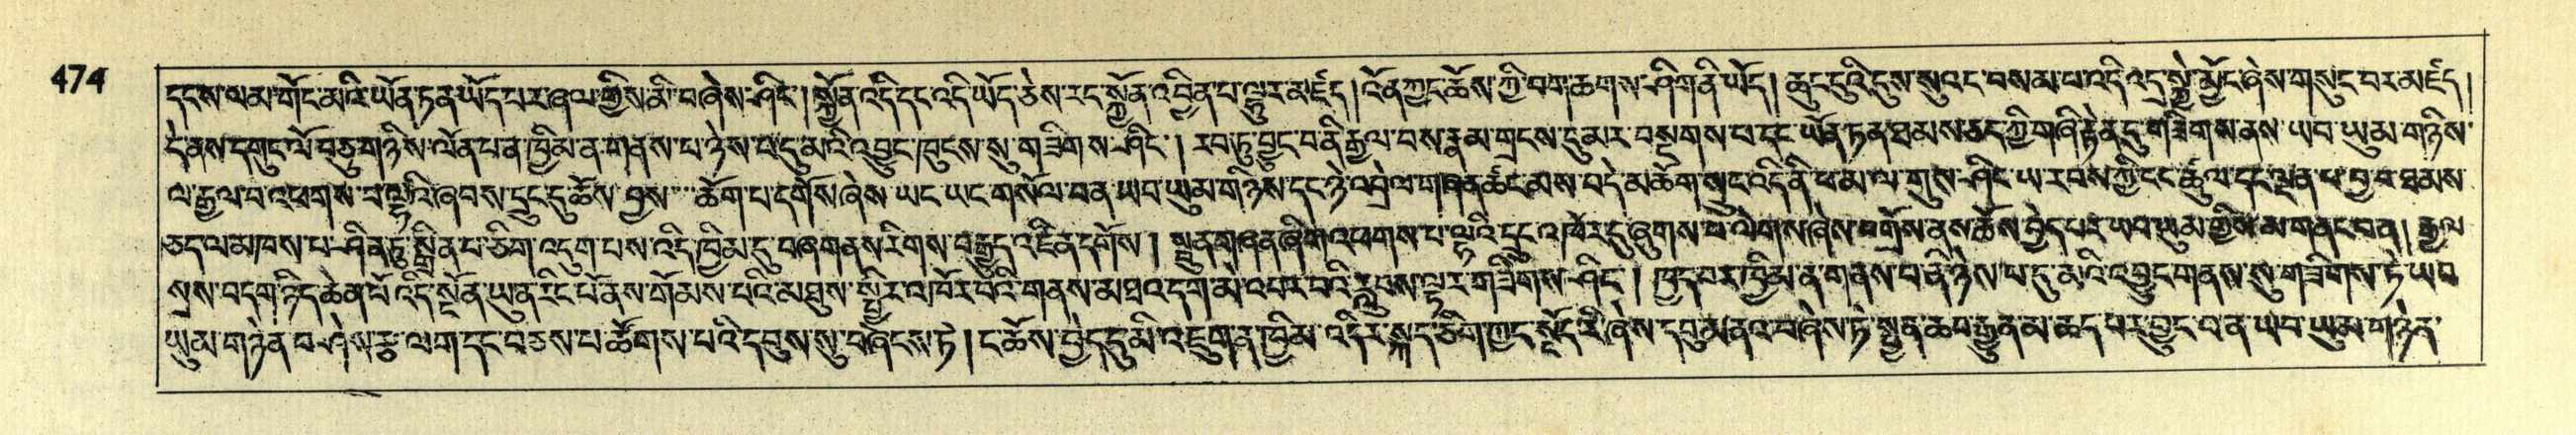དང་ས་ལམ་གོང་མའི་ཡོན་ཏན་ཡོད་པར་ཞལ་གྱིས་མི་བཞེས་ཤིང་། སྐྱོན་འདི་དང་འདི་ཡོད་ཅེས་རང་སྐྱོན་འབྱིན་པ་ལྷུར་མཛད། འོན་ཀྱང་ཆོས་ཀྱི་བག་ཆགས་ཤིག་ནི་ཡོད། ཆུང་ངུའི་དུས་སུའང་བསམ་པ་འདི་འདྲ་སྐྱེ་མྱོང་ཞེས་གསུང་བར་མཛད།
དེ་ནས་དགུང་ལོ་བཅུ་གཉིས་ལོན་པ་ན་ཁྱིམ་ན་གནས་པ་ཉེས་བ་དུ་མའི་འབྱུང་ཁུངས་སུ་གཟིགས་ཤིང་། རབ་ཏུ་བྱུང་བ་ནི་རྒྱལ་བས་རྣམ་གྲངས་དུ་མར་བསྔགས་པ་དང་ཡོན་ཏན་ཐམས་ཅད་ཀྱི་གཞི་རྟེན་དུ་གཟིགས་ནས་ཡབ་ཡུམ་གཉིས་
ལ་རྒྱལ་བ་འཕགས་པ་ལྷའི་ཞབས་དྲུང་དུ་ཆོས་བྱས་ཆོག་པ་དགོས་ཞེས་ཡང་ཡང་གསོལ་བ་ན་ཡབ་ཡུམ་གཉིས་དང་ཉེ་འབྲེལ་གཞན་ཚང་མས་བདེ་མཆོག་སྲུང་འདི་ནི་ཕ་མ་ལ་གུས་ཤིང་ཡ་རབས་ཀྱི་ངང་ཚུལ་དང་ལྡན་པ་བྱ་བ་ཐམས་
ཅད་ལ་མཁས་པ་ཤིན་ཏུ་སྒྲིན་པ་ཅིག་འདུག་པས་འདི་ཁྱིམ་དུ་བཞག་ནས་རིགས་བརྒྱུད་འཛིན་དགོས། སྤུན་གཞན་ཞིག་འཕགས་པ་ལྷའི་དྲུང་འཁོར་དུ་ཞུགས་པ་ལེགས་ཞེས་བགྲོས་ནས་ཆོས་བྱེད་པར་ཡབ་ཡུམ་གྱིས་མ་གནང་བ་ན། རྒྱལ་
སྲས་བདག་ཉིད་ཆེན་པོ་འདི་སྔོན་ཡུན་རིང་པོ་ནས་གོམས་པའི་མཐུས་སྤྱིར་འཁོར་བའི་གནས་མཐའ་དག་མེ་འབར་བའི་རླུབས་ལྟར་གཟིགས་ཤིང་། ཁྱད་བར་ཁྱིམ་ན་གནས་པ་ནི་ཉེས་པ་དུ་མའི་འབྱུང་གནས་སུ་གཟིགས་ཏེ་ཡབ་
ཡུམ་གཉེན་བཤེས་རྩ་ལག་དང་བཅས་པ་ཚོགས་པའི་དབུས་སུ་བཞེངས་ཏེ། ང་ཆོས་བྱེད་དུ་མི་འཇུག་ན་ཁྱིམ་འདིར་སྐད་ཅིག་ཀྱང་སྔོད་རི་ཞེས་དབུ་མནའ་བཞེས་ཏེ་སྤྱན་ཆབ་རྒྱུན་མ་ཆད་པར་བྱུང་བ་ན་ཡབ་ཡུམ་གཉེན་